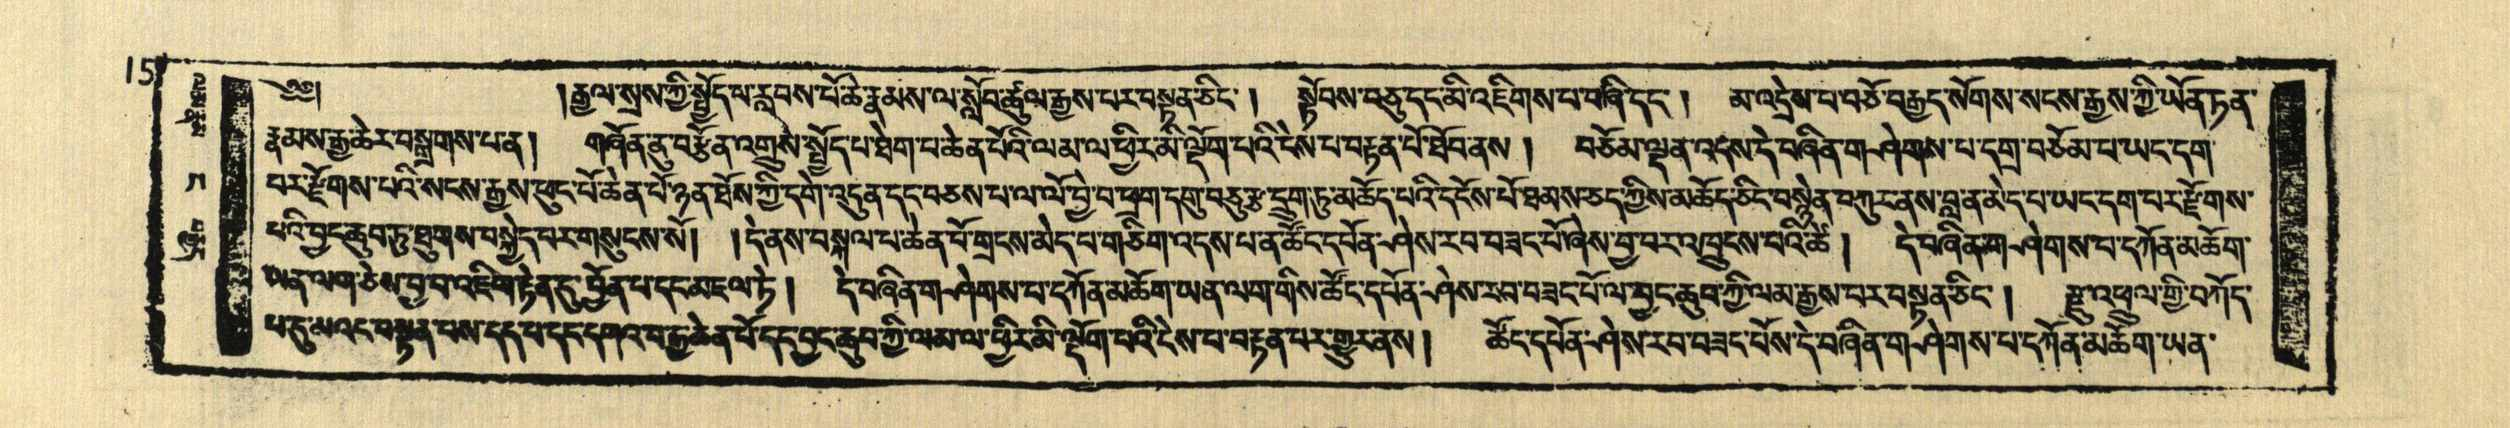༄༅། །རྒྱལ་སྲས་ཀྱི་སྤྱོད་ལ་རླབས་པོ་ཆེ་རྣམས་ལ་སློབ་ཚུལ་རྒྱས་པར་བསྟན་ཅིང་། སྟོབས་བཅུ་དང་མི་འཇིགས་པ་བཞི་དང་། མ་འདྲེས་པ་བཅོ་བརྒྱད་སོགས་སངས་རྒྱས་ཀྱི་ཡོན་ཏན་
རྣམས་རྒྱ་ཆེར་བསྒྲགས་པ་ན། གཞོན་ནུ་བརྩོན་འགྲུས་སྤྱོད་པ་ཐེག་པ་ཆེན་པོའི་ལམ་ལ་ཕྱིར་མི་ལྡོག་པའི་ངེས་པ་བརྟན་པོ་ཐོབ་ནས། བཅོམ་ལྡན་འདས་དེ་བཞིན་གཤེགས་པ་དགྲ་བཅོམ་པ་ཡང་དག་
བར་རྫོགས་པའི་སངས་རྒྱས་ཕུང་པོ་ཆེན་པོ་ཉན་ཐོས་ཀྱི་དགེ་འདུན་དང་བཅས་པ་ལ་ལོ་བྱེ་བ་ཕྲག་དགུ་བཅུ་རྩ་དྲུག་ཏུ་མཆོད་པའི་དངོས་པོ་ཐམས་ཅད་ཀྱིས་མཆོད་ཅིང་བསྙེན་བཀུར་ནས་བླ་ན་མེད་པ་ཡང་དག་པར་རྫོགས་
པའི་བྱང་ཆུབ་ཏུ་ཐུགས་བསྐྱེད་པར་གསུངས་སོ། །དེ་ནས་བསྐལ་པ་ཆེན་པོ་གྲངས་མེད་པ་གཅིག་འདས་པ་ན་ཚོང་དཔོན་ཤེས་རབ་བཟང་པོ་ཞེས་བྱ་བར་འཁྲུངས་པའི་ཚེ། དེ་བཞིན་གཤེགས་པ་དཀོན་མཆོག་
ཡན་ལག་ཅེས་བྱ་བ་འཇིག་རྟེན་དུ་བྱོན་པ་དང་མཇལ་ཏེ། དེ་བཞིན་གཤེགས་པ་དཀོན་མཆོག་ཡན་ལག་གིས་ཚོང་དཔོན་ཤེས་རབ་བཟང་པོ་ལ་བྱང་ཆུབ་ཀྱི་ལམ་རྒྱས་པར་བསྟན་ཅིང་། རྫུ་འཕྲུལ་གྱི་བཀོད་
པ་དུ་མའང་བསྟན་པས་དད་པ་དང་དགའ་བ་རྒྱ་ཆེན་པོ་དང་བྱང་ཆུབ་ཀྱི་ལམ་ལ་ཕྱིར་མི་ལྡོག་པའི་ངེས་པ་བརྟན་པར་གྱུར་ནས། ཚོང་དཔོན་ཤེས་རབ་བཟང་པོས་དེ་བཞིན་གཤེགས་པ་དཀོན་མཆོག་ཡན་